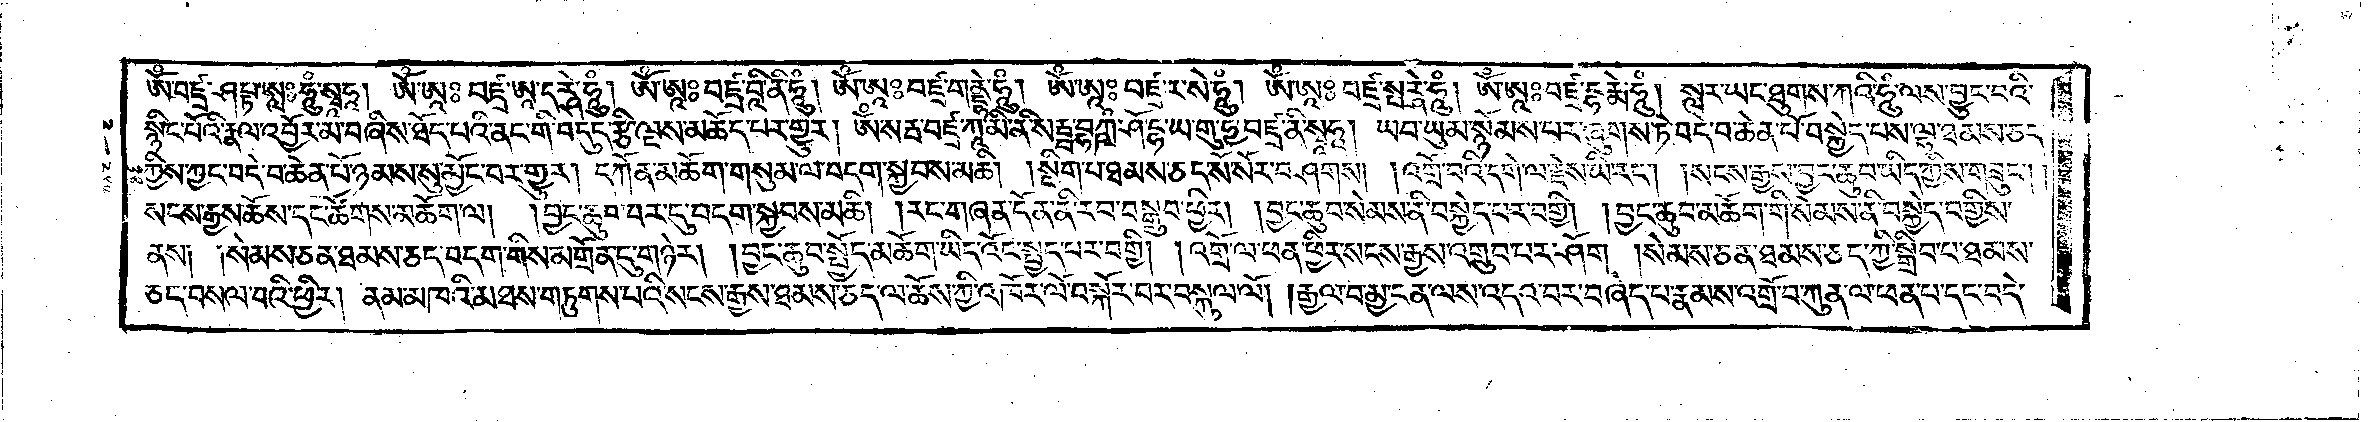ཨོཾ་བཛྲ་ཤཔྟ་ཨལཿཧཱུཾ་སྭཱཧཱ། ཨོཾ་ཨཱཿབཛྲ་ཨཱ་དརྴེ་ཧཱུཾ། ཨོཾ་ཨཱཿབཛྲ་བཱི་ནི་ཧཱུཾ། ཨོཾ་ཨཱཿབཛྲ་གནྡྷེ་ཧཱུཾ། ཨོཾ་ཨཱཿབཛྲ་ར་སེ་ཧཱུཾ། ཨོཾ་ཨཱཿབཛྲ་སྤརྴེ་ཧཱུཾ། ཨོཾ་ཨཱཿབཛྲ་དྷརྨེ་ཧཱུཾ། སླར་ཡང་ཐུགས་ཀའི་ཧཱུཾ་ལས་བྱུང་བའི་
སྙིང་པོའི་རྣལ་འབྱོར་མ་བཞིས་ཐོད་པའི་ནང་གི་བདུད་རྩི་ལྔས་མཆོད་པར་གྱུར། ཨོཾ་སརྦ་བཛྲ་ཀཱ་མི་ནི་སརྦ་བྷཀྵཾ་ཤོ་དྷ་ཡ་གུ་ཧྱ་བཛྲ་ནི་སྭཱཧཱ། ཡབ་ཡུམ་སྙོམས་པར་ཞུགས་ཏེ་བདེ་བ་ཆེན་པོ་བསྐྱེད་པས་ལྷ་ཐམས་ཅད་
ཀྱིས་ཀྱང་བདེ་བ་ཆེན་པོ་ཉམས་སུ་མྱོང་བར་གྱུར། དཀོན་མཆོག་གསུམ་ལ་བདག་སྐྱབས་མཆི། །སྡིག་པ་ཐམས་ཅད་སོ་སོར་བཤགས། །འགྲོ་བའི་དགེ་ལ་རྗེས་ཡི་རང་། །སངས་རྒྱས་བྱང་ཆུབ་ཡིད་ཀྱིས་གཟུང་། །
སངས་རྒྱས་ཆོས་དང་ཚོགས་མཆོག་ལ། །བྱང་ཆུབ་བར་དུ་བདག་སྐྱབས་མཆི། །རང་གཞན་དོན་ནི་རབ་བསྒྲུབ་ཕྱིར། །བྱང་ཆུབ་སེམས་ནི་བསྐྱེད་པར་བགྱི། །བྱང་ཆུབ་མཆོག་གི་སེམས་ནི་བསྐྱེད་བགྱིས་
ནས༑ ༑སེམས་ཅན་ཐམས་ཅད་བདག་གིས་མགྲོན་དུ་གཉེར། །བྱང་ཆུབ་སྤྱོད་མཆོག་ཡིད་འོང་སྤྱད་པར་བགྱི། །འགྲོ་ལ་ཕན་ཕྱིར་སངས་རྒྱས་འགྲུབ་པར་ཤོག །སེམས་ཅན་ཐམས་ཅད་ཀྱི་སྒྲིབ་པ་ཐམས་
ཅད་བསལ་བའི་ཕྱིར། ནམ་མཁའི་མཐས་གཏུགས་པའི་སངས་རྒྱས་ཐམས་ཅད་ལ་ཆོས་ཀྱི་འཁོར་ལོ་བསྐོར་བར་བསྐུལ་ལོ། །རྒྱལ་བ་མྱ་ངན་ལས་འདའ་བར་བཞེད་པ་རྣམས་འགྲོ་བ་ཀུན་ལ་ཕན་པ་དང་བདེ་